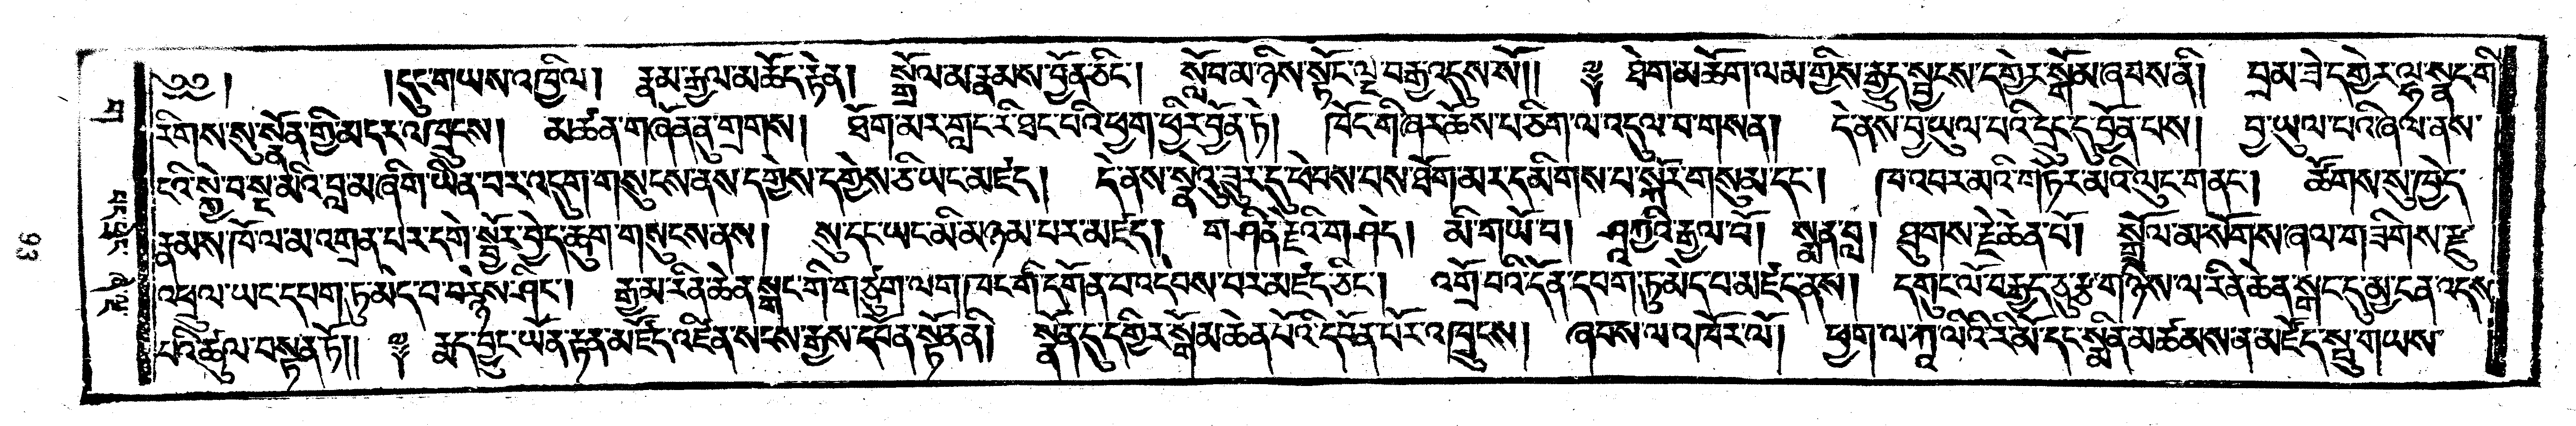༄༅། །དུང་གཡས་འཁྱིལ། རྣམ་རྒྱལ་མཆོད་རྟེན། སྒྲོལ་མ་རྣམས་བྱོན་ཅིང་། སློབ་མ་ཉིས་སྟོང་ལྔ་བརྒྱ་འདུས་སོ།། ༈ ཐེག་མཆོག་ལམ་གྱིས་རྒྱུད་སྦྱངས་དགྱེར་སྒོམ་ཞབས་ནི། བྲམ་ཟེ་དགྱེར་ལྷ་སྣང་གི་
རིགས་སུ་སྣོན་གྱི་མདར་འཁྲུངས། མཚན་གཞོན་ནུ་གྲགས། ཐོག་མར་གླང་རི་ཐང་བའི་ཕྱག་ཕྱིར་བྱོན་ཏེ། ཁོང་གི་ཞར་ཆོས་པ་ཅིག་ལ་འདུལ་བ་གསན། དེ་ནས་བྱ་ཡུལ་པའི་དྲུང་དུ་བྱོན་པས། བྱ་ཡུལ་པའི་ཞལ་ནས་
ངའི་སྐྱེ་བ་སྔ་མའི་བླ་མ་ཞིག་ཡིན་བར་འདུག་གསུངས་ནས་དགྱེས་དགྱེས་ཅི་ཡང་མཛད། དེ་ནས་སྣེའུ་ཟུར་དུ་ཕེབས་པས་ཐོག་མར་དམིགས་པ་སྐོར་གསུམ་དང་། ཁ་འབར་མའི་གཏོར་མའི་ལུང་གནང་། ཚོགས་སུ་ཁྱེད་
རྣམས་ཁོ་ལ་མ་འགྲན་པར་དགེ་སྦྱོར་བྱེད་ཆུག་གསུངས་ནས། སུ་དང་ཡང་མི་མཉམ་པར་མཛད། གཤིན་རྗེའི་གཤེད། མི་གཡོ་བ། ཤཱཀྱའི་རྒྱལ་པོ། སྨན་བླ། ཐུགས་རྗེ་ཆེན་པོ། སྒྲོལ་མ་སོགས་ཞལ་གཟིགས་རྫུ་
འཕྲུལ་ཡང་དཔག་ཏུ་མེད་བ་བརྙེས་ཤིང་། རྒྱ་མ་རིན་ཆེན་སྒང་གི་གཙུག་ལག་ཁང་གི་དགོན་པ་འདེབས་པར་མཛད་ཅིང་། འགྲོ་བའི་དོན་དཔག་ཏུ་མེད་པ་མཛད་ནས། དགུང་ལོ་བརྒྱད་ཅུ་རྩ་གཉིས་ལ་རིན་ཆེན་སྒང་དུ་མྱ་ངན་འདས་
པའི་ཚུལ་བསྟན་ཏོ།། ༈ རྨད་བྱུང་ཡོན་རྟན་མཛོད་འཛིན་སངས་རྒྱས་དཔོན་སྟོན་ནི། སྣོན་དུ་དགྱིར་སྒོམ་ཆེན་པོའི་དབོན་པོར་འཁྲུངས། ཞབས་ལ་འཁོར་ལོ། ཕྱག་ལ་ཀཱ་ལིའི་རི་མོ་དང་སྨིན་མཚམས་ན་མཛོད་སྤུ་གཡས་